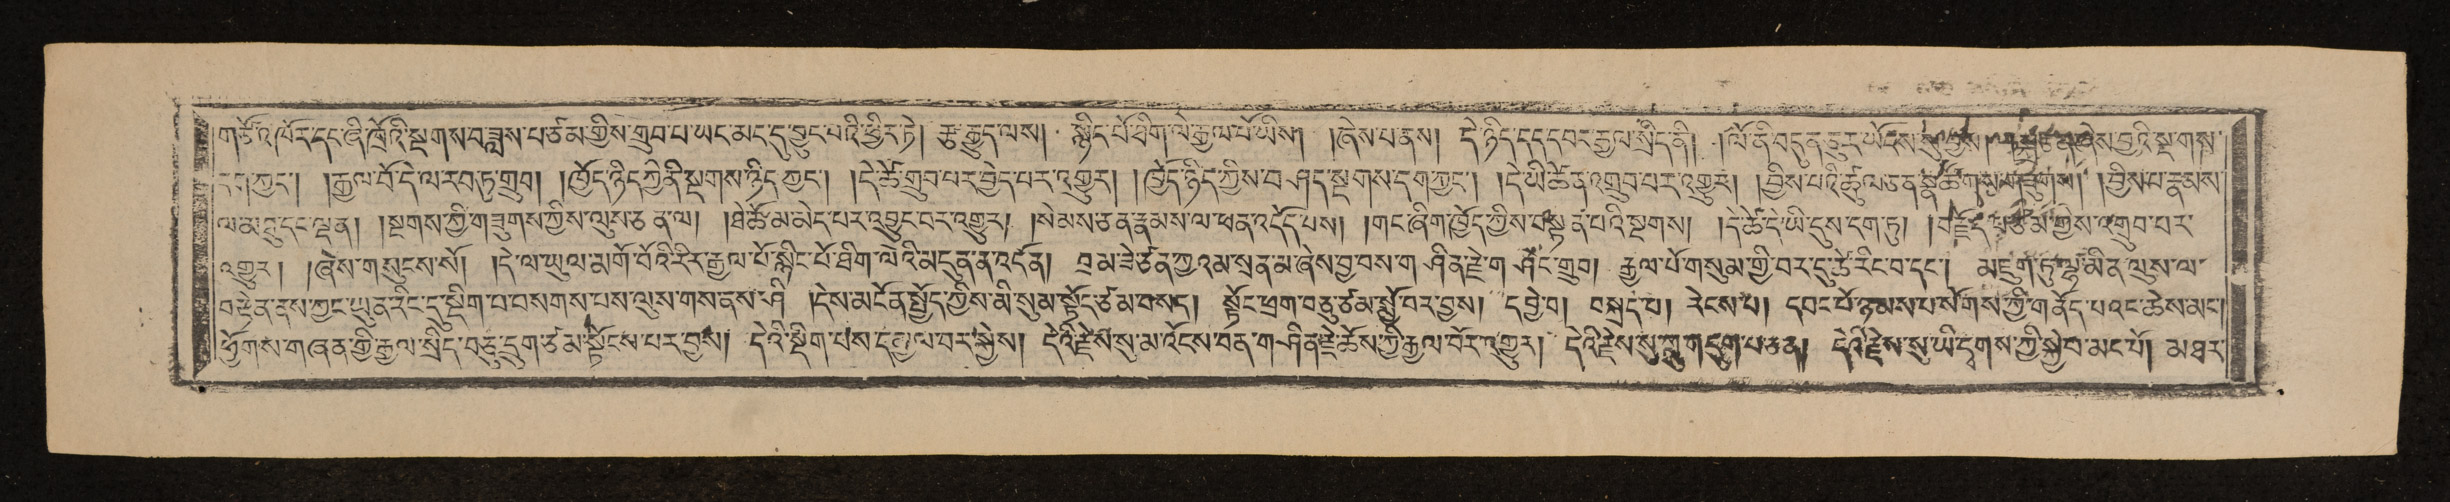གཙོ་འཁོར་དང་ཞི་ཁྲོའི་སྔགས་བཟླས་པ་ཙམ་གྱིས་གྲུབ་པ་ཡང་མང་དུ་བྱུང་པའི་ཕྱིར་ཏེ། རྩ་རྒྱུད་ལས། སྙིང་པོ་ཐིག་ལེ་རྒྱལ་པོ་ཡིས། །ཞེས་པ་ནས། དེ་ཉིད་རང་དབང་རྒྱལ་སྲིད་ནི། །ལོ་ནི་བདུན་ཅུར་ཡོངས་སུ་བྱས། །སྐྲ་ཅན་ཞེས་བྱའི་སྔགས་
དག་ཀྱང་། །རྒྱལ་པོ་དེ་ལ་རབ་ཏུ་གྲུབ། །ཁྱོད་ཉིད་ཀྱི་ནི་སྔགས་ཉིད་ཀྱང་། །དེ་ཚེ་གྲུབ་པར་བྱེད་པར་འགྱུར། །ཁྱོད་ཉིད་ཀྱིས་བཤད་སྔགས་དག་ཀྱང་། །དེ་ཡི་ཚེ་ན་འགྲུབ་པར་འགྱུར། །བྱིས་པའི་ཚུལ་ཅན་སྣ་ཚོགས་གཟུགས། །བྱིས་པ་རྣམས་
ལ་མཐུ་དང་ལྡན། །སྔགས་ཀྱི་གཟུགས་ཀྱིས་ལུས་ཅན་ལ། །ཐེ་ཚོམ་མེད་པར་འབྱུང་བར་འགྱུར། །སེམས་ཅན་རྣམས་ལ་ཕན་འདོད་པས། །གང་ཞིག་ཁྱོད་ཀྱིས་བསྟན་པའི་སྔགས། །དེ་ཚེ་དེ་ཡི་དུས་དག་ཏུ། །བརྗོད་པ་ཙམ་གྱིས་འགྲུབ་པར་
འགྱུར། །ཞེས་གསུངས་སོ། །དེ་ལ་ཡུལ་མགོ་བོའི་རིར་རྒྱལ་པོ་སྙིང་པོ་ཐིག་ལེའི་མདུན་ན་འདོན། བྲམ་ཟེ་ཙ་ན་ཀྱའམ་སྲན་མ་ཞེས་བྱ་བས་གཤིན་རྗེ་གཤེད་གྲུབ། རྒྱལ་པོ་གསུམ་གྱི་བར་དུ་ཚེ་རིང་བ་དང་། མཇུག་ཏུ་ལྷ་མིན་ལུས་ལ་
བརྟེན་ནས་ཀྱང་ཡུན་རིང་དུ་སྡིག་པ་བསགས་པས་ལུས་གས་ནས་ཤི་།དེས་མངོན་སྤྱོད་ཀྱིས་མི་སུམ་སྟོང་ཙམ་བསད། སྟོང་ཕྲག་བཅུ་ཙམ་སྨྱོ་བར་བྱས། དབྱེ་བ། བསྐྲད་པ། རེངས་པ། དབང་པོ་ཉམས་པ་སོགས་ཀྱི་གནོད་པའང་ཆེས་མང་།
ཕྱོགས་གཞན་གྱི་རྒྱལ་སྲིད་བཅུ་དྲུག་ཙམ་སྟོངས་པར་བྱས། དེའི་སྡིག་པས་དམྱལ་བར་སྐྱེས། དེའི་རྗེས་སུ་མ་འོངས་པ་ན་གཤིན་རྗེ་ཆོས་ཀྱི་རྒྱལ་པོར་འགྱུར། དེའི་རྗེས་སུ་ཀླུ་གདུག་པ་ཅན། དེའི་རྗེས་སུ་ཡི་དྭགས་ཀྱི་སྐྱེ་བ་མང་པོ། མཐར་